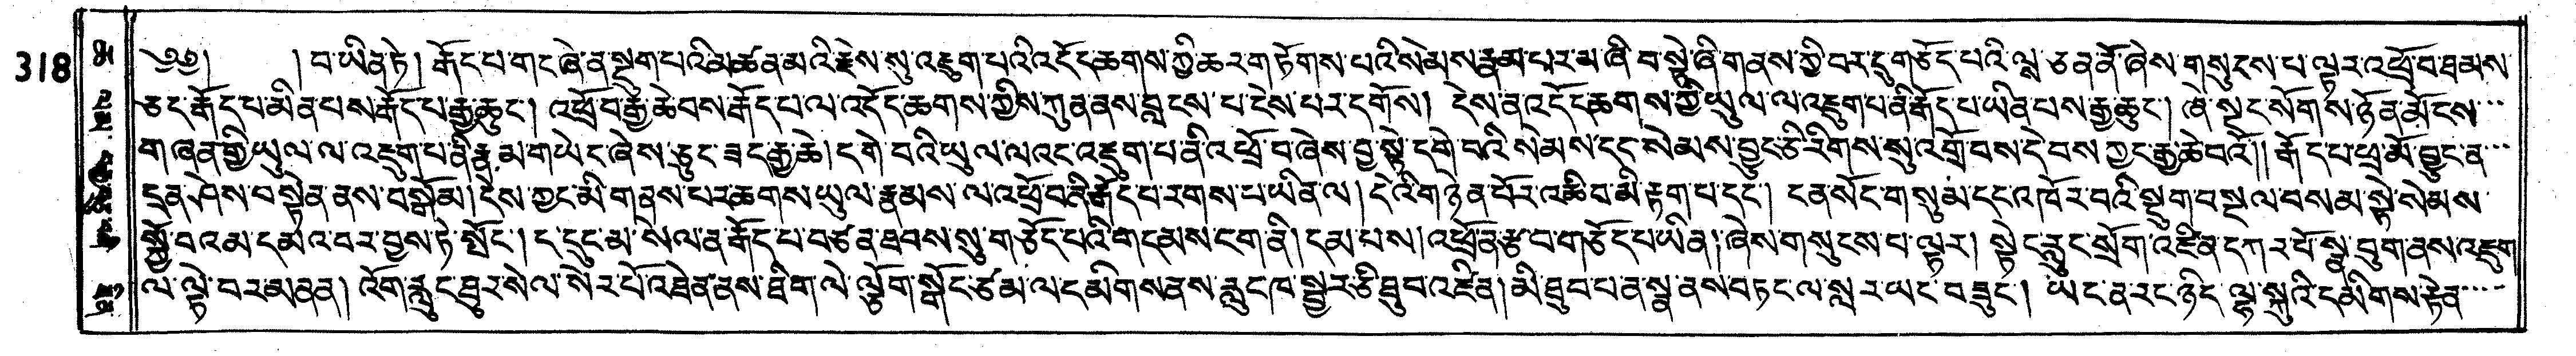༄༅། །བ་ཡིན་ཏེ། རྒོད་པ་གང་ཞེ་ན་སྡུག་པའི་མཚན་མའི་རྗེས་སུ་འཇུག་པའི་འདོད་ཆགས་ཀྱི་ཆར་གཏོགས་པའི་སེམས་རྣམ་པར་མ་ཞི་བ་སྟེ་ཞི་གནས་ཀྱི་བར་དུ་གཅོད་པའི་ལས་ཅན་ནོ་ཞེས་གསུངས་པ་ལྟར་འཕྲོ་བ་ཐམས་
ཅད་རྒོད་པ་མིན་པས་རྒོད་པ་རྒྱ་ཆུང་། འཕྲོ་བ་རྒྱ་ཆེ་བས་རྒོད་པ་ལ་འདོད་ཆགས་ཀྱིས་ཀུན་ནས་བླངས་པ་ངེས་པར་དགོས། དེས་ན་འདོད་ཆགས་ཀྱི་ཡུལ་ལ་འཇུག་པ་ནི་རྒོད་པ་ཡིན་པས་རྒྱ་ཆུང་། ཞེས་སྡང་སོགས་ཉོན་མོངས་
གཞན་གྱི་ཡུལ་ལ་འཇུག་པ་ནི་རྣམ་གཡེང་ཞེས་ཅུང་ཟད་རྒྱ་ཆེ། དགེ་བའི་ཡུལ་ལའང་འཇུག་པ་ནི་འཕྲོ་བ་ཞེས་བྱ་སྟེ་དགེ་བའི་སེམས་དང་སེམས་བྱུང་ཅི་རིགས་སུ་འགྲོ་བས་དེ་བས་ཀྱང་རྒྱ་ཆེ་བའོ། །རྒོད་པ་ཕྲ་མོ་བྱུང་ན་
དྲན་ཤེས་བསྟེན་ནས་བསྒོམ། དེས་ཀྱང་མི་གནས་པར་ཆགས་ཡུལ་རྣམས་ལ་འཕྲོ་བ་ནི་རྒོད་པ་རགས་པ་ཡིན་ལ། དེའི་གཉེན་པོར་འཆི་བ་མི་རྟག་པ་དང་། ངན་སོང་གསུམ་དང་འཁོར་བའི་སྡུག་བསྔལ་བསམ་སྟེ་སེམས་
སྐྱོ་བའམ་དམའ་བར་བྱས་ཏེ་སྤོང་། ད་དུང་མ་སེལ་ན་རྒོད་པ་བཙན་ཐབས་སུ་གཅོད་པའི་གདམས་ངག་ནི། དམ་པས། འཕྲོ་ན་རྩ་བ་གཅོད་པ་ཡིན༑ ཞེས་གསུངས་པ་ལྟར། སྟེང་རླུང་སྲོག་འཛིན་དཀར་པོ་སྣ་བུག་ནས་འཇུག་
ལ་ལྟེ་བར་མནན། འོག་རླུང་ཐུར་སེལ་སེར་པོ་འཐེན་ནས་ཐིག་ལེ་ལྕོག་སྒོང་ཙམ་ལ་དམིགས་ནས་རླུང་ཁ་སྦྱར་ཅི་ཐུབ་འཛིན། མི་ཐུབ་པ་ན་སྣ་ནས་བཏང་ལ་སླར་ཡང་བཟུང་། ཡང་ན་རང་ཉིད་ལྷ་སྐུའི་དམིགས་རྟེན་